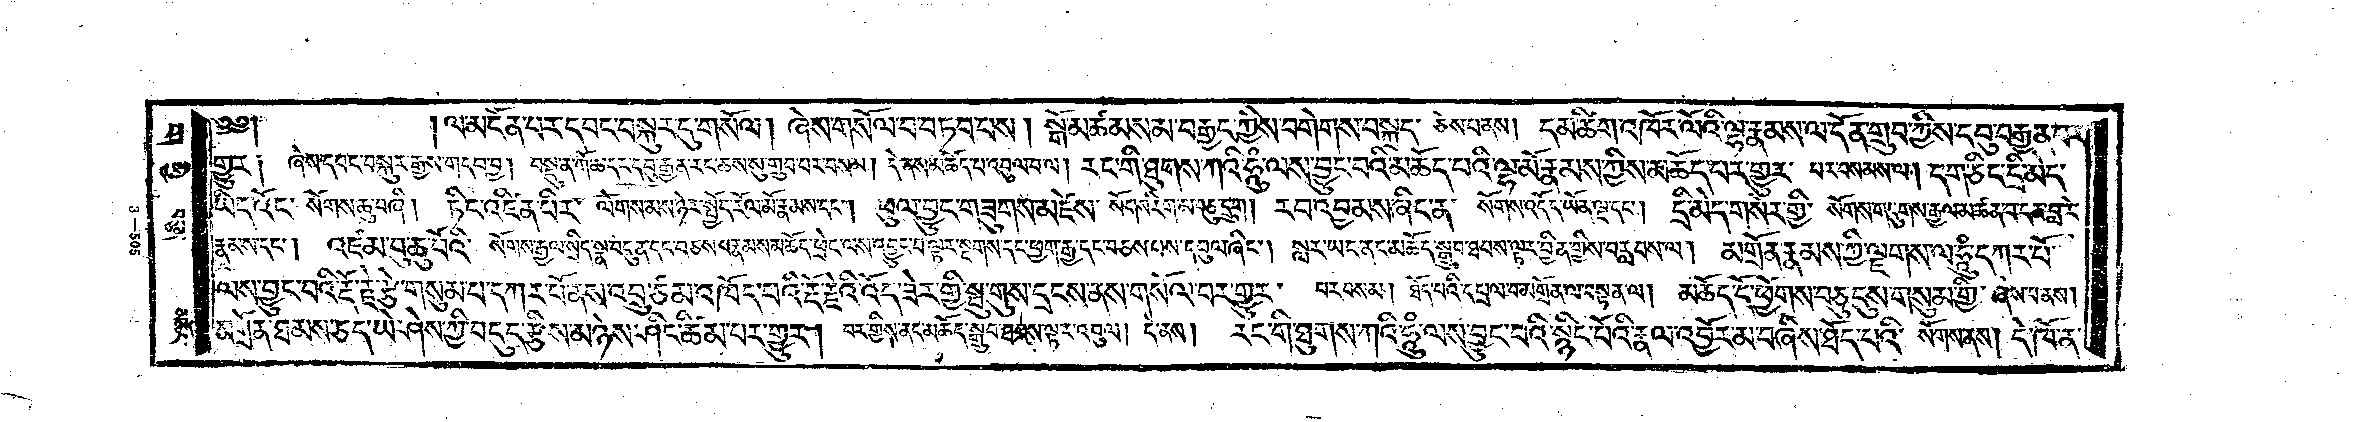༄༅། །ལ་མངོན་པར་དབང་བསྐུར་དུ་གསོལ། ཞེས་གསོལ་བ་བཏབ་པས། སྒོ་མཚམས་མ་བརྒྱང་ཀྱིས་བགེགས་བསྐྲད་ཅེས་པ་ནས།  དམ་ཚིག་འཁོར་ལོའི་ལྷ་རྣམས་ལ་དོན་གྲུབ་ཀྱིས་དབུ་བརྒྱན་བར་
གྱུར༑ ཞེས་དབང་བསྐུར་རྒྱས་གདབ་བྱ། བསྡུ་ན་ཀཱིཨ྾་ཆ་དང་དབུ་རྒྱན་རང་ཆས་སུ་གྲུབ་པར་བསམ། དེ་ནས་མཆོད་པ་འབུལ་བ་ལ།  རང་གི་ཐུགས་ཀའི་ཧཱུ྾་ལས་བྱུང་བའི་མཆོད་པའི་ལྷ་མོ་རྣམས་ཀྱིས་མཆོད་པར་གྱུར་པར་བསམས་ལ།  དག་ཅིང་དྲི་མེད་
ཡིད་འོང་སོགས་ཆུ་བཞི།  ཏིང་འཛིན་པར་ལོགས་མས་ཉེར་སྤྱོད་རོལ་མོ་རྣམས་དང་།  ཕུལ་བྱུང་གཟུགས་མཛེས་སོགས་རིག་མ་བཅུ་དྲུག།  རབ་འབྱམས་ཞིང་ན་སོགས་འདོད་ཡོན་ལྔ་དང་།  དྲི་མེད་གསེར་གྱི་སོགས་གདུགས་རྒྱལ་མཚན་པ་དང་བླ་རེ་
རྣམས་དང་། འཛམ་བཅུ་ཆུ་བོའི་སོགས་རྒྱལ་སྲིད་སྣ་བདུན་དང་བཅས་པ་རྣམས་མཆོད་ཕྲེང་ལས་འབྱུང་བ་ལྟར་སྔགས་དང་ཕྱག་རྒྱ་དང་བཅས་པས་དབུལ་ཞིང་། སླར་ཡང་ནང་མཆོད་སྒྲུབ་ཐབས་ལྟར་བྱིན་གྱིས་བརླབས་ལ།  མགྲོན་རྣམས་ཀྱི་ལྗགས་ལ་ཧཱུ྾་དཀར་པོ་
ལས་བྱུང་བའི་རྡོ་རྗེ་རྩ་གསུམ་པ་དཀར་པོ་ནས་འབྲུ་ཙམ་འཁྲོད་པོའི་རྡོ་རྗེ་འོད་ཟེར་གྱི་སྤུ་གུས་དྲངས་ནས་གསོལ་བར་གྱུར་པར་བསམ།  ཐོད་པའི་དཔྲལ་བ་མགྲོན་ལ་བསྟན་ལ། མཆོད་དོ་ཕྱོགས་བཅུ་དུས་གསུམ་གྱི་ཞེས་པ་ནས།
མགྲོན་ཐམས་ཅད་ཡེ་ཤེས་ཀྱི་བདུད་རྩིས་མཉེས་ཤིང་ཚིམ་པར་གྱུར། བར་གྱིས་ནང་མཆོད་སྒྲུབ་ཐབས་ལྟར་འབུལ། དེ་ནས།  རང་གི་ཐུགས་ཀའི་ཧཱུ྾་ལས་བྱུང་བའི་སྙིང་པོའི་རྣལ་འབྱོར་མ་བཞིས་ཐོད་པའི་སོགས་ནས།  དེ་ཁོ་ན་